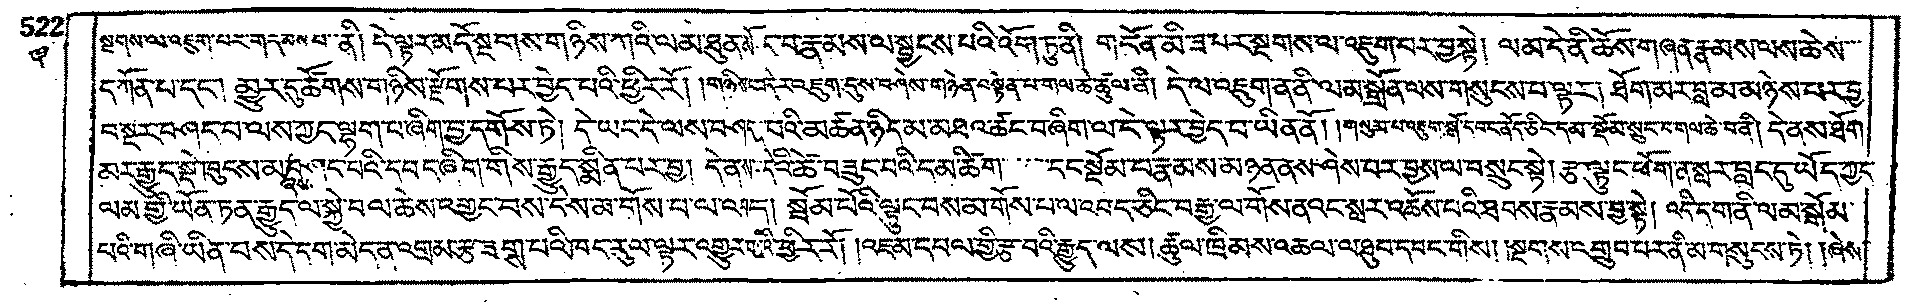སྔགས་ལ་འཇུག་པར་གདམས་པནི། དེ་ལྟར་མདོ་སྔགས་གཉིས་ཀའི་ལམ་ཐུན་མོང་བ་རྣམས་ལ་སྦྱངས་པའི་འོག་ཏུ་ནི། གདོན་མི་ཟ་པར་སྔགས་ལ་འཇུག་པར་བྱ་སྟེ། ལམ་དེ་ནི་ཆོས་གཞན་རྣམས་ལས་ཆེས་
དཀོན་པ་དང་། མྱུར་དུ་ཚོགས་གཉིས་རྫོགས་པར་བྱེད་པའི་ཕྱིར་རོ། །གཉིས་པ་དེར་འཇུག་དུས་བཤེས་གཉེན་བསྟེན་པ་གལ་ཆེ་ཚུལ་ནི།  དེ་ལ་འཇུག་ན་ནི་ལམ་སྒྲོན་ལས་གསུངས་པ་ལྟར། ཐོག་མར་བླ་མ་མཉེས་པར་བྱ་
བ་སྔར་བཤད་པ་ལས་ཀྱང་ལྷག་པ་ཞིག་བྱ་དགོས་ཏེ། དེ་ཡང་དེ་ལས་བཤད་པའི་མཚན་ཉིད་མ་མཐའ་ཚང་བ་ཞིག་ལ་དེ་ལྟར་བྱེད་པ་ཡིན་ནོ། །གསུམ་པ་འཇུག་སྒོ་དབང་ནོད་ཅིང་དམ་སྡོམ་སྲུང་བ་གལ་ཆེ་བ་ནི།  དེ་ནས་ཐོག་
མར་རྒྱུད་སྡེ་ཁུངས་མ་ནས་བཤད་པའི་དབང་ཞིག་གིས་རྒྱུད་སྨིན་པར་བྱ། དེ་ནས་དེའི་ཚེ་བཟུང་བའི་དམ་ཚིགདང་སྡོམ་པ་རྣམས་མཉན་ནས་ཤེས་པར་བྱས་ལ་བསྲུང་སྟེ། རྩ་ལྟུང་ཕོག་ན་སླར་བླང་དུ་ཡོད་ཀྱང་
ལམ་གྱི་ཡོན་ཏན་རྒྱུད་ལ་སྐྱེ་བ་ལ་ཆེས་འགྱང་བས་དེས་མ་གོས་པ་ལ་འབད། སྦོམ་པོའི་ལྟུང་བས་མ་གོས་པ་ལ་འབད་ཅིང་བརྒྱ་ལ་གོས་ནའང་སླར་འཆོས་པའི་ཐབས་རྣམས་བྱ་སྟེ། འདི་དག་ནི་ལམ་སྒོམ་
པའི་གཞི་ཡིན་པས་དེ་དག་མེད་ན་འགྲམ་རྩ་ཟགས་པའི་ཁང་རུལ་ལྟར་འགྱུར་བའི་ཕྱིར་རོ། །འཇམ་དཔལ་གྱི་རྩ་བའི་རྒྱུད་ལས། ཚུལ་ཁྲིམས་འཆལ་ལ་ཐུབ་དབང་གིས། །སྔགས་འགྲུབ་པར་ནི་མ་གསུངས་ཏེ། །ཞེས་